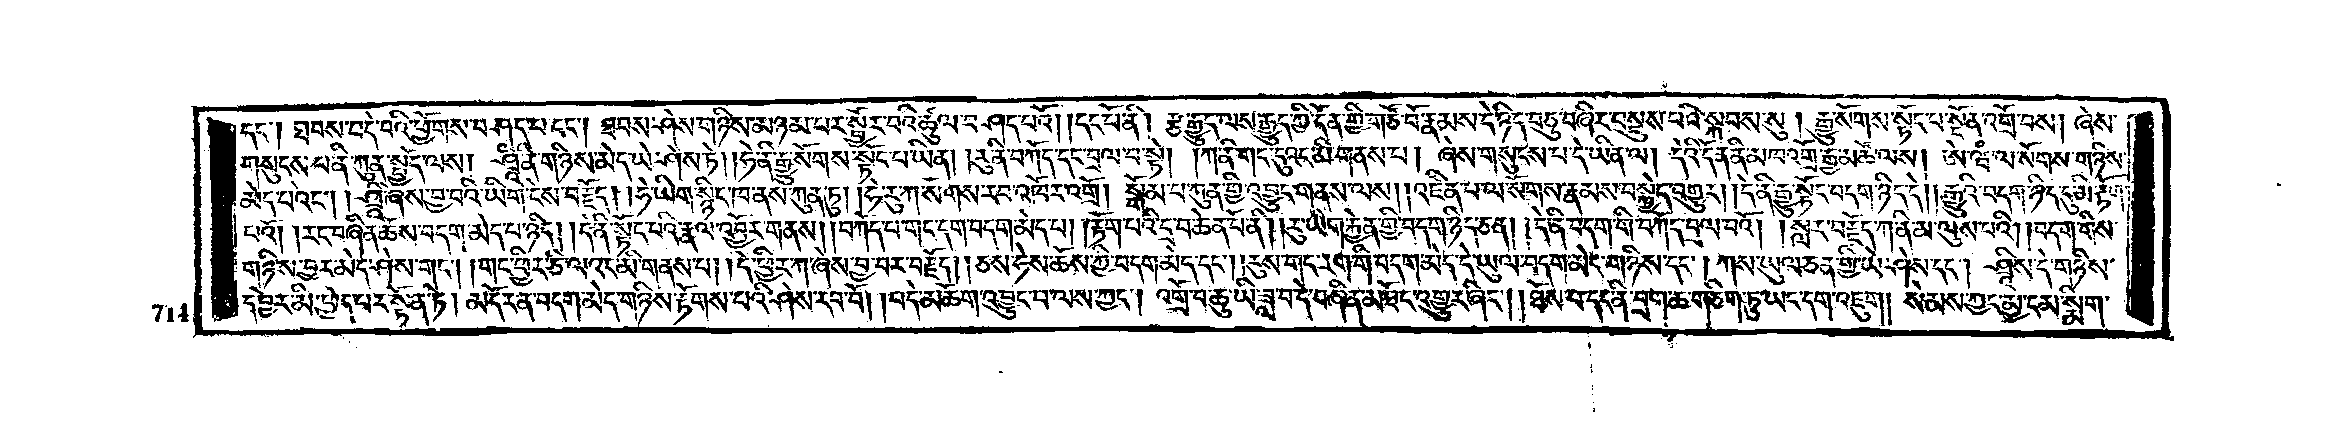དང་། ཐབས་བདེ་བའི་ཕྱོགས་བཤད་པ་དང་། ཐབས་ཤེས་གཉིས་མཉམ་པར་སྦྱོར་བའི་ཚུལ་བཤད་པའོ། །དང་པོ་ནི། རྩ་རྒྱུད་ལས་རྒྱུད་ཀྱི་དོན་གྱི་གཙོ་བོ་རྣམས་དེ་ཉིད་བཅུ་བཞིར་བསྡུས་པའི་སྐབས་སུ། རྒྱུ་སོགས་སྟོང་པ་སྔོན་འགྲོ་བས། ཞེས་
གསུངས་པ་ནི་ཀུན་སྤྱོད་ལས། ཤྲཱི་ནི་གཉིས་མེད་ཡེ་ཤེས་ཏེ། །ཧེ་ནི་རྒྱུ་སོགས་སྟོང་པ་ཡིན། །རུ་ནི་བཀོད་དང་བྲལ་བ་སྟེ། །ཀ་ནི་གང་དུའང་མི་གནས་པ། ཞེས་གསུངས་པ་དེ་ཡིན་ལ། དེའི་དོན་ནི་མཁའ་འགྲོ་རྒྱ་མཚོ་ལས། ཨེ་ཝཾ་ལ་སོགས་གཉིས་
མེད་པའང་། །ཤའི་ཞེས་བྱ་བའི་ཡིག་ངེས་བརྗོད། །ཧེ་ཡིག་སྙིང་ཁ་ནས་ཀུན་ཏུ། །ཧེ་རུ་ཀ་སོགས་རབ་འཁོར་འགྲོ། སྒོམ་པ་ཀུན་གྱི་འབྱུང་གནས་ལས། །འཛིན་པ་ལ་སོགས་རྣམས་བསྐྱེད་འགྱུར། །དེ་ནི་རྒྱུ་སྟོང་བདག་ཉིད་དེ། །རྒྱུའི་བདག་ཉིད་དུ་མི་རྟོག་
པའོ། །རང་བཞིན་ཆོས་བདག་མེད་པ་ཉིད། །དེ་ནི་སྟོང་པའི་རྣལ་འབྱོར་གནས། །བཀོད་པ་གང་དག་བདག་མེད་པ། །རྟོག་པའི་དྲ་བ་ཆེན་པོ་ནི། །རུ་ཡིག་རྐྱེན་གྱི་བདག་ཉིད་ཅན། །དེ་ནི་བདག་གི་བཀོད་བྲལ་བའོ། །སླར་བརྗོད་ཀ་ནི་མ་ལུས་པའི། །བདག་གིས་
གཉིས་བྱར་མེད་ཤེས་གང་། །གང་ཕྱིར་ཅི་ལའང་མི་གནས་པ། །དེ་ཕྱིར་ཀ་ཞེས་བྱ་བར་བརྗོད། །ཅས་ཧེས་ཆོས་ཀྱི་བདག་མེད་དང་། །རུས་གང་ཟག་གི་བདག་མེད་དེ་ཡུལ་བདག་མེད་གཉིས་དང་། ཀས་ཡུལ་ཅན་གྱི་ཡེ་ཤེས་དང་། ཤྲཱིས་དེ་གཉིས་
དབྱེར་མི་ཕྱེད་པར་སྟོན་ཏེ། མདོར་ན་བདག་མེད་གཉིས་རྟོགས་པའི་ཤེས་རབ་བོ། །བདེ་མཆོག་འབྱུང་བ་ལས་ཀྱང་། འགྲོ་བ་ཆུ་ཡི་ཟླ་བ་དེ་བཞིན་མཐོང་འགྱུར་ཞིང་། །ཐོས་པ་དང་ནི་བྲག་ཆ་གཅིག་ཏུ་ཡང་དག་འཇུག། སེམས་ཀྱང་མྱ་ངམ་སྨིག་